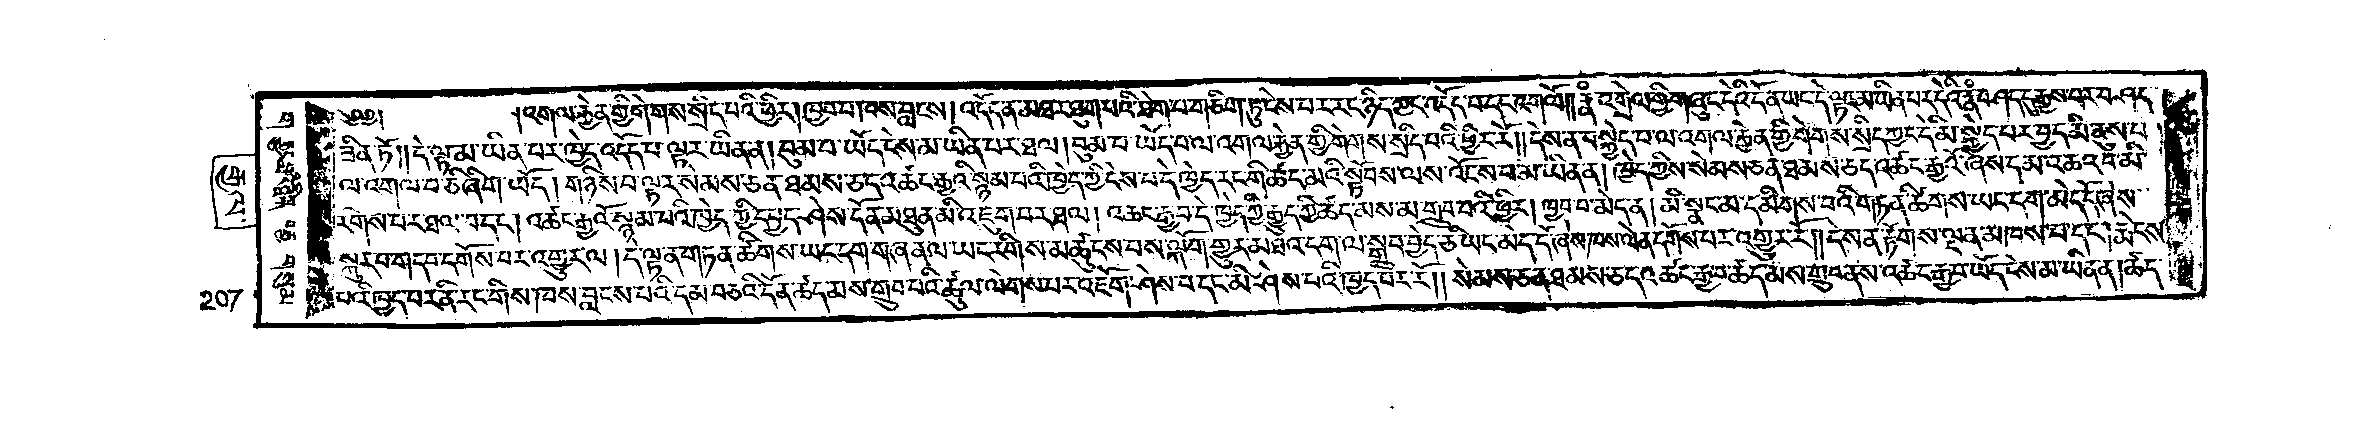༄༅། །འགལ་རྐྱེན་གྱི་གེགས་སྲིད་པའི་ཕྱིར། ཁྱབ་པ་ཁས་བླངས། འདོད་ན་མཐར་ཐུག་པའི་ཐེག་པ་གཅིག་ཏུ་ངེས་པར་རང་ཉིད་ཀྱང་འདོད་པ་དང་འགལ་ལོ། །རྣམ་འགྲེལ་གྱི་གཞུང་དེའི་དོན་ཡང་དེ་ལྟར་མ་ཡིན་པར་དེའི་རྣམ་བཤད་དུ་རྒྱས་པར་བཤད་
ཟིན་ཏོ། །དེ་ལྟ་མ་ཡིན་པར་ཁྱེད་འདོད་པ་ལྟར་ཡིན་ན། བུམ་པ་ཡོད་ངེས་མ་ཡིན་པར་ཐལ། བུམ་པ་ཡོད་པ་ལ་འགལ་རྐྱེན་གྱི་གེགས་སྲིད་པའི་ཕྱིར་རོ། །དེས་ན་བསྐྱེད་པ་ལ་འགལ་རྐྱེན་གྱི་གེགས་སྲིད་པའི་ཕྱིར་རོ། །དེས་ན་བསྐྱེད་པ་ལ་འགལ་རྐྱེན་གྱི་གེགས་སྲིད་ཀྱང་དེ་མི་སྐྱེད་པར་བྱད་མི་ནུས་པ་
ལ་འགལ་བ་ཅི་ཞིག་ཡོད། གཉིས་པ་ལྟར་སེམས་ཅན་ཐམས་ཅད་འཚང་རྒྱའི་སྙམ་པའི་ཁྱེད་ཀྱི་ངེས་པ་དེ་ཁྱེད་རང་གི་ཚད་མའི་སྟོབས་ལས་འོངས་པ་མ་ཡིན་ན། ཁྱེད་ཀྱིས་སེམས་ཅན་ཐམས་ཅད་འཚང་རྒྱའོ་ཞེས་དམ་འཆའ་བ་མི་
རིགས་པར་ཐལ་བ་དང་། འཚང་རྒྱའོ་སྙམ་པའི་ཁྱེད་ཀྱི་དཔྱད་ཤེས་དོན་མཐུན་མི་འཇུག་པར་ཐལ། འཚང་རྒྱ་བ་དེ་ཁྱེད་ཀྱི་རྒྱུད་ཀྱི་ཚད་མས་མ་གྲུབ་པའི་ཕྱིར། ཁྱབ་པ་མེད་ན། མི་སྣང་མ་དམིགས་པའི་གཏན་ཚིགས་ཡང་དག་མེད་དོ་ཞེས་
སྐུར་བ་གདབ་དགོས་པར་འགྱུར་ལ། དེ་ལྟ་ན་གཏན་ཚིགས་ཡང་དག་གཞན་ལ་ཡང་རིགས་མཚུངས་པས་ལྐོག་གྱུར་མཐའ་དག་ལ་སྒྲུབ་བྱེད་ཅི་ཡང་མེད་དོ་ཞེས་ཁས་ལེན་དགོས་པར་འགྱུར་རོ། །དེས་ན་རྟོགས་ལྡན་མཁས་པ་དང་། རྨེངས་
པའི་ཁྱད་པར་ནི་རང་གིས་ཁས་བླངས་པའི་དམ་བཅའི་དོན་ཚད་མས་གྲུབ་པའི་ཚུལ་ལེགས་པར་འཇོག་ཤེས་པ་དང་མི་ཤེས་པའི་ཁྱད་པར་རོ། །སེམས་ཅན་ཐམས་ཅད་འཚང་རྒྱ་བ་ཚད་མས་གྲུབ་ནས་འཚང་རྒྱ་བ་ཡོད་ངེས་མ་ཡིན་ན། ཚད་